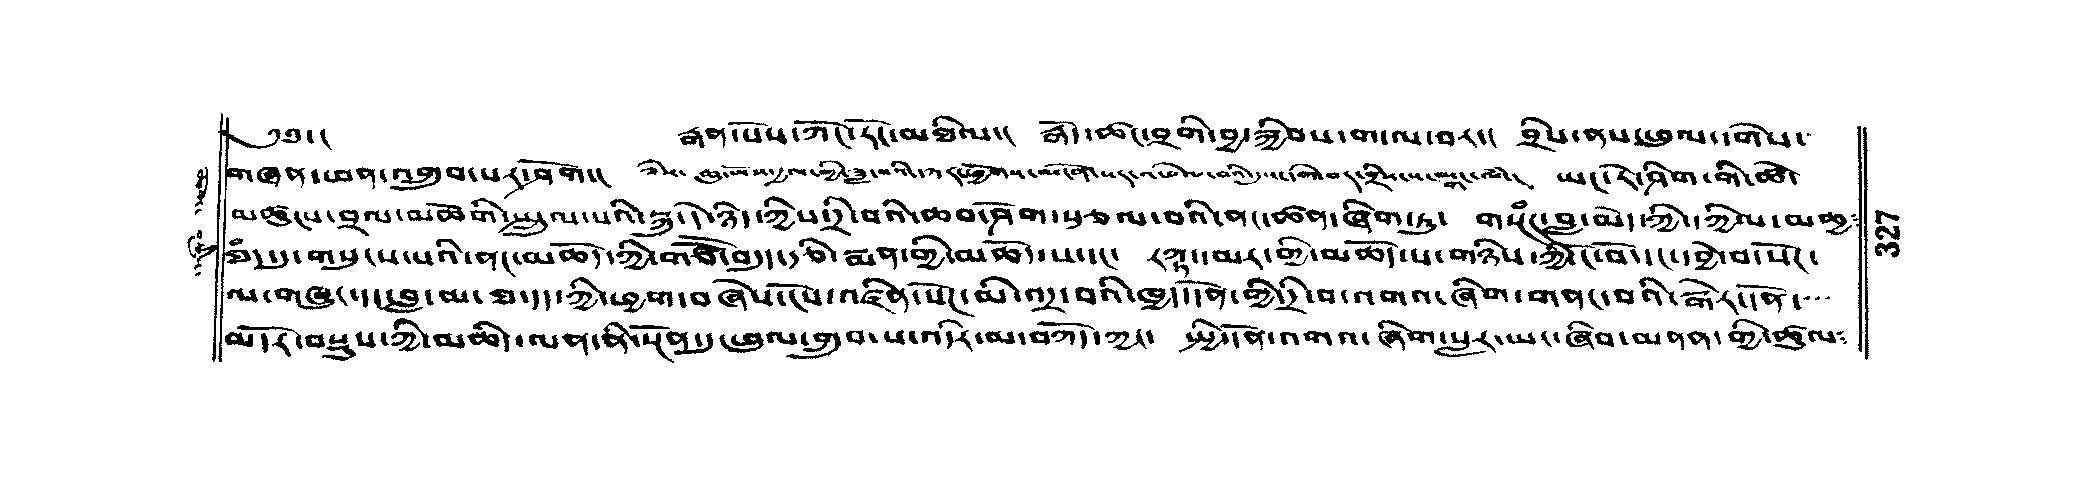རྒན་པོས་ཀོང་རོང་མཐིལ། །རྒོད་ཚང་བྲག་གི་བྱ་སྐྱིབས་ག་ལ་བར། །བྲིས་ནས་ཕུལ་དགེས་
གཞན་ཕན་འགྲུབ་པར་ཤོག་། 1$0000180ཅེས་ཆུ་ཡོས་རྒྱལ་གྱི་ཟླ་བའི་དཀར་ཕྱོགས་མངོན་པར་འཕེལ་བའི་དུས་དགེ་བར་བྲིས་པ་མངྒ་ལམ། 1$10002501$0000250ཡང་རེ་ཤིག་གི་ཚེ་
མཚུངས་བྲལ་མཆོག་གི་སྤྲུལ་པའི་སྐུ་དེ་ཉིད་ཀྱིད་དྲི་བའི་ཆབ་ཤོག་སྩལ་བའི་ནང་ཚན་དུ། གསང་སྔགས་བླ་མེད་ཀྱི་དཀྱིལ་མཆོག་
ཐམས་ཅད་དུ་གསུངས་པའི་ནང་མཆོད་ཀྱི་གཙོ་བོ་བདུད་རྩི་སྨན་གྱི་མཆོད་པ་དང་། རཀྟ་དམར་གྱི་མཆོད་པ་གཉིས་ཀྱི་ངོ་བོ་དང་དབྱེ་བ་སོགས་
ལ་གཞུང་དང་བླ་མ་ཐ་དད་ཀྱི་ཕྱག་བཞེས་ངོས་འཛིན་སོགས་མིལའདྲ་བའི་ཁྱད་དོན་གྱི་དྲི་བ་འགའ་ཞིག་གནང་བའི་སྒེར་དོན་
མདོར་བསྡུས་ཀྱི་མཆིད་ལན་ནི་སྔོན་དུ་ཕུལ་གྲུབ་པ་འདིར་མ་བཀོད་ཀྱང་།སྤྱི་དོན་འགའ་ཞིག་སླར་ཡང་ཞིབ་མནན་གྱི་ཚུལ་